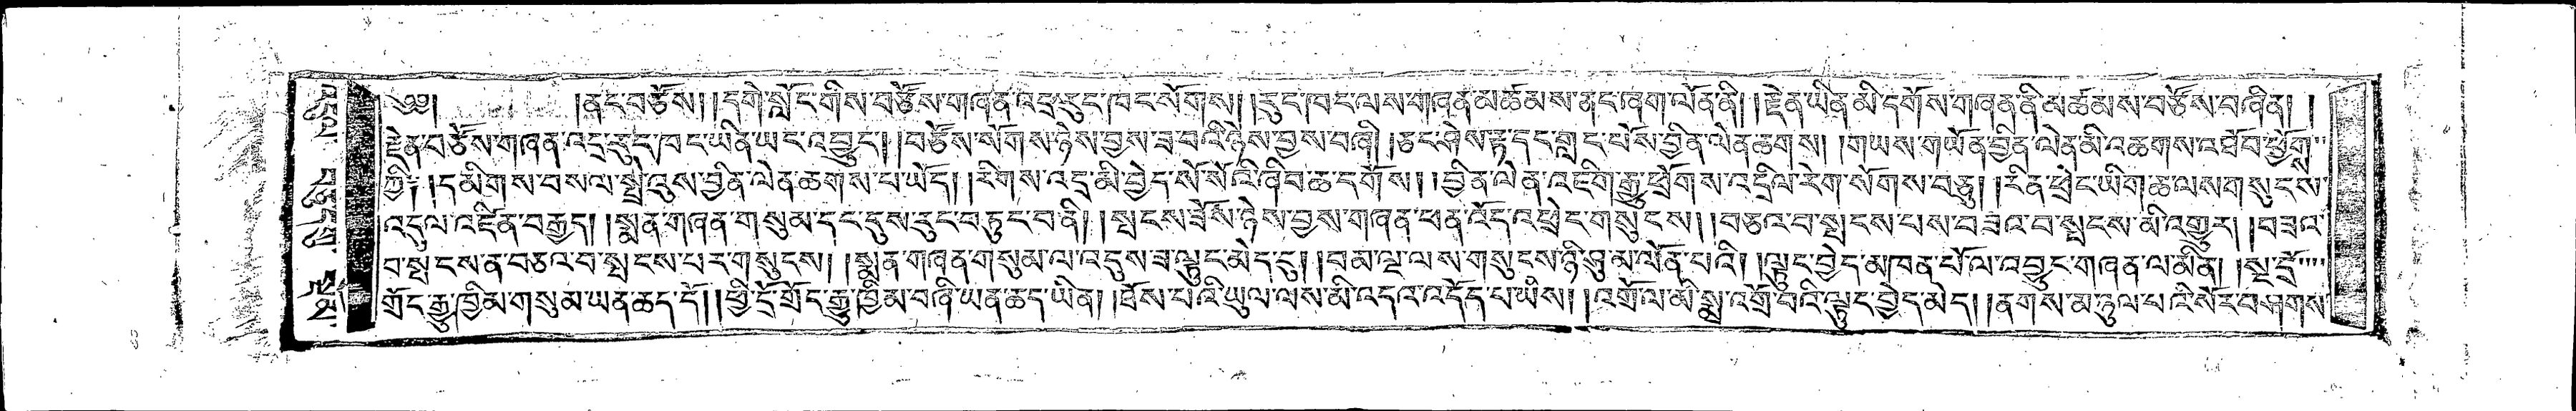༄༅། །ནང་བཙོས། །དགེ་སློང་གིས་བཙོས་གཞན་འདྲ་རུང་ཁང་སོགས། །རུང་ཁང་ལས་གཞན་མཚམས་ནང་ཞག་ལོན་ནི། །རྗེན་ཡིན་མི་དགོས་གཞན་ནི་མཚམས་བཙོས་བཞིན། །
རྗེན་བཙོས་གཞན་འདྲ་རུང་ཁང་ཡིན་ཡང་འབྱུང་། །བཙོས་སོགས་ཉེས་བྱས་ཟ་བའི་ཉེས་བྱས་བཞི། །ཅང་ཤེས་རྟ་དང་གླང་པོས་བྱིན་ལེན་ཆགས། །གཡས་གཡོན་བྱིན་ལེན་མི་འཆགས་འཐོབ་ཕྱོགས་
ཀྱི༑ །དམིགས་བསལ་སྤྲེ་འུས་བྱིན་ལེན་ཆགས་པ་ཡོད། །རིགས་འདྲ་མི་བྱེད་སོ་སོའི་ཞིབ་ཆ་དགོས། །བྱིན་ལེན་འཇིག་རྒྱུ་ཕྲོགས་འདྲིལ་རེག་སོགས་བཅུ། །རིན་ཕྲེང་ཡིག་ཆ་ལས་གསུངས་
འདུལ་འཛིན་བརྒྱད། །སྨན་གཞན་གསུམ་དང་དུས་རུང་བཏུང་བ་ནི། །སྤངས་ཟོས་ཉེས་བྱས་གཞན་ཕན་འོད་འཕྲེང་གསུངས། །བཅའ་བ་སྤངས་པས་བཟའ་བ་སྤངས་མི་འགྱུར། །བཟའ་
བ་སྤངས་ན་བཅའ་བ་སྤངས་པར་གསུངས། །སྨན་གཞན་གསུམ་ལ་འདུས་ཟ་ལྟུང་མེད་དུ། །བམ་ལྔ་ལས་གསུངས་ཉི་ཤུ་མ་ལོན་པའི། །ལྟུང་བྱེད་མཁན་པོ་ལ་འབྱུང་གཞན་ལ་མིན། །སྔ་དྲོ་
གྲོང་རྒྱུ་ཁྱིམ་གསུམ་ཡན་ཆད་དོ། །ཕྱི་དྲོ་གྲོང་རྒྱུ་ཁྱིམ་བཞི་ཡན་ཆད་ཡིན། །ཐོས་པའི་ཡུལ་ལས་མི་འདའ་འདོད་པ་ཡིས། །འགྲོ་ལ་མི་སྨྲ་འགྲོ་བའི་ལྟུང་བྱེད་མེད། །ནགས་མ་ཉུལ་པའི་སོར་བཤགས་